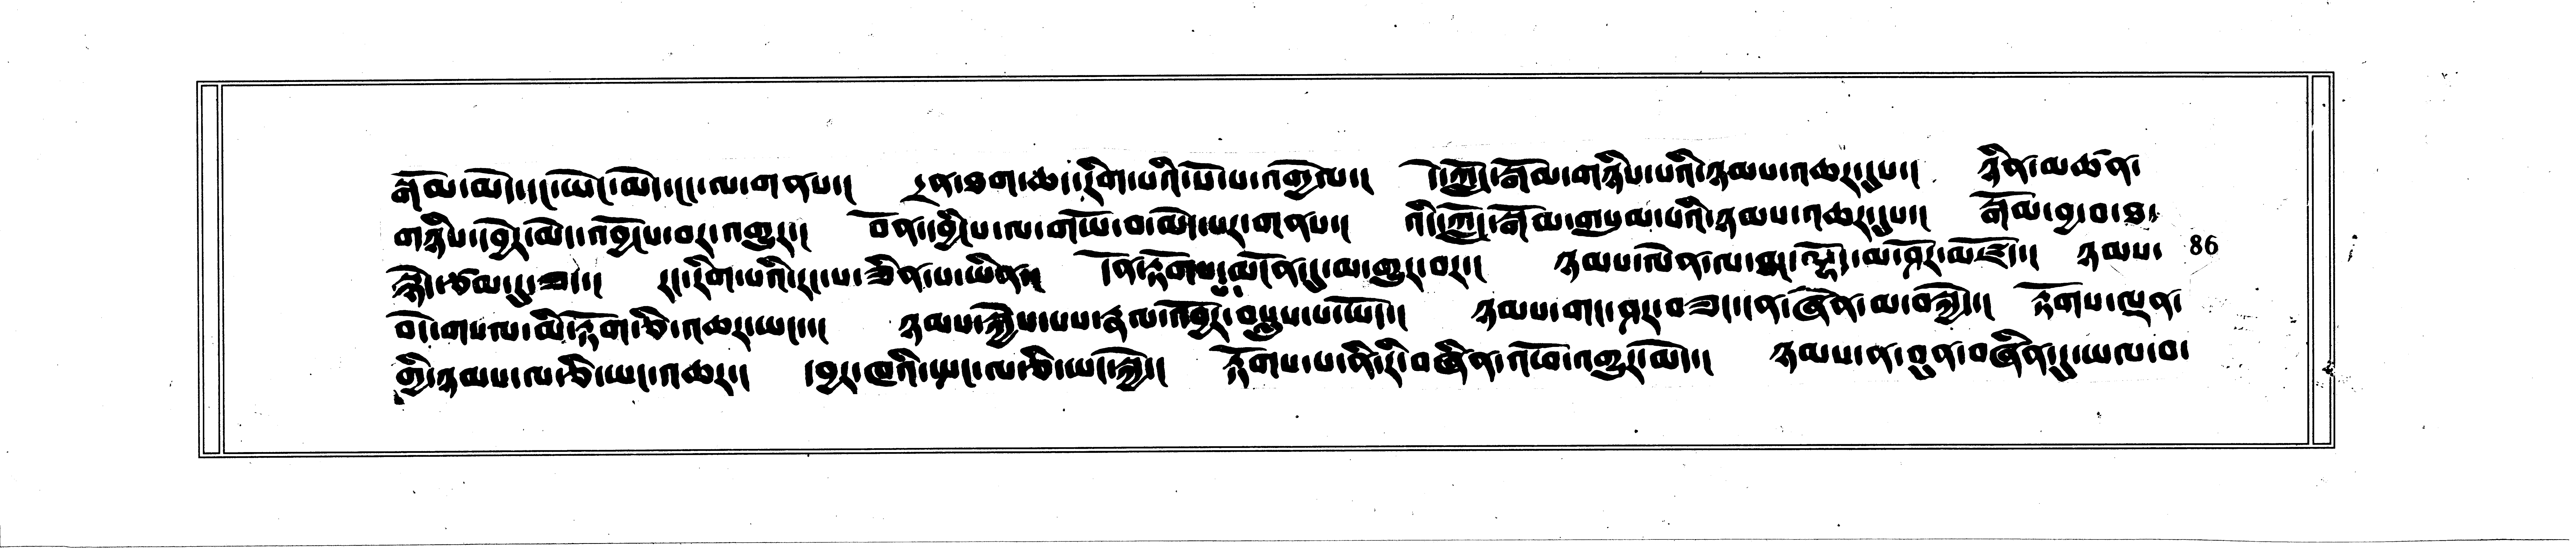སྒོམ་མེད་དང་ཡེངས་མེད་ངང་ལ་གནས། །དྲན་ཐག་ཆད་རིག་པའི་སོ་པ་འགྱེལ། །དེ་ཀློང་སྒོམ་གཉིས་པའི་ཉམས་འཆར་དུས། །ཉིན་མཚན་
གཉིས་དབྱེར་མེད་འབྱོངས་པར་འགྱུར། །བོན་དབྱིངས་ལ་གཡོ་བ་མེད་པར་གནས། །འདི་ཀློང་སྒོམ་གསུམ་པའི་ཉམས་འཆར་དུས། །སྒོམ་བྱ་བ་
སྙད་ཙམ་དུ་ཟད། །རང་རིག་པའི་རང་ས་ཟིན་པ་ཡིན། །དོན་རྟོགས་པ་མངོན་དུ་མ་གྱུར་བར། །ཉམས་ལེན་ལ་ཐང་ལྷོད་མ་ཤོར་མཛོད། །ཉམས་
བདེ་གསལ་མི་རྟོག་ཅི་འཆར་ཡང་། །ཉམས་སྐྱེས་པ་རྣལ་འབྱོར་བསླུས་པ་ཡོད། །ཉམས་གང་ཤར་བཟང་ངན་ཞན་མ་བསྐྱེད། །རྟོགས་ལྡན་
གྱི་ཉམས་ལ་ཅི་ཡང་འཆར། །དབྱར་ཁའི་སྤང་ལ་ཅི་ཡང་སྐྱེ། །རྟོགས་པ་ནི་རི་བཞིན་འཕོ་འགྱུར་མེད། །ཉམས་ན་བུན་བཞིན་དུ་ཡལ་བ་